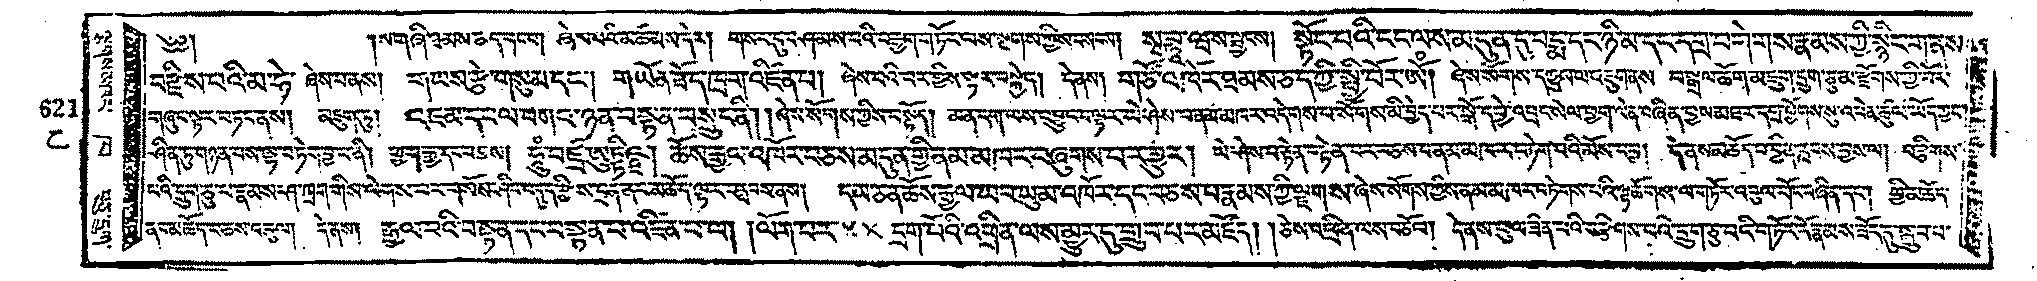༄༅། །ས་གཞི་ཐམས་ཅད་དང་པ། ཞེས་པའི་མཚམས་དེར། གསར་དུ་བཤམས་པའི་བརྒྱག་གཏོར་ལས་སྔགས་ཀྱིས་བསངས། སྭཱཧཱ་ཝས་སྦྱངས། སྟོང་པའི་ངང་ལས་མདུན་དུ་པདམ་དང་ཉི་མ་དང་དགྲ་བགེགས་རྣམས་ཀྱི་སྙིང་གནས་
བརྫིས་པའི་མ་ཧེ་ཞེས་པ་ནས།  གཡས་རྩེ་གསུམ་དང་། གཡོན་ཐོད་ཁྲག་འཛིན་པ། ཞེས་པའི་བར་གྱིས་ལྟར་བསྐྱེད། དེ་ནས།  གཙོ་འཁོར་ཐམས་ཅད་ཀྱི་སྤྱི་བོར་ཨོཾ། ཞེས་སོགས་དཀྱུས་ལ་འཇུག་ནས། བསྒྲལ་ཆོག་མཇུག་དྲུག་ཅུ་མ་རྫོགས་ཀྱི་བོར་
གཞུང་ལྟར་བཏང་ནས། མཇུག་ཏུ། འཇམ་དཔལ་བགའ་ཉན་བསྟན་བསྲུང་ནི། །ཞེས་སོགས་ཀྱིས་བསྟོད། མན་ངག་ལས་འབྱུང་བ་ལྟར་ཡེ་ཤེས་པ་ནམ་མཁར་འདེགས་པ་སོགས་མི་བྱེད་པར་སྒོ་དབྱེ་འཕྲང་སེལ་ཕྱག་ལེན་བཞིན་བྱས་མཐར་དགྲ་ཕྱོགས་སུ་འཕེན་ཚུལ་ཡོད་ཀྱང་
ཤིན་ཏུ་གཉན་པས་ལྷ་བཏེག་བྱ་བ་ནི། ཕྱག་རྒྱ་དང་བཅས། ཧཱུཾ་བཛྲ་ཨུཏྟིཥཊཿཨ། ཆོས་རྒྱལ་འཁོར་བཅས་མདུན་གྱི་ནམ་མཁར་བཞུགས་པར་གྱུར། ཡེ་ཤེས་བརྟེན་བརྟེན་པར་བཅས་པ་ནམ་མཁར་བཏེག་པའི་མོས་པ་བྱ། དེ་ནས་མཆོད་པ་བྱིན་རླབས་བྱས་ལ། བརྩིགས་
པའི་དྲུག་ཅུ་པ་རྣམས་ཤ་ཁྲག་གིས་ལེགས་པར་གསོས་ཤིང་བདུད་རྩིས་བྲན་ནང་མཆོད་ལྟར་བརླབས་ནས། དམ་ཅན་ཆོས་རྒྱལ་ཡབ་ཡུམ་འཁོར་དང་བཅས་པ་རྣམས་ཀྱི་ལྗགས་ཞེས་སོགས་ཀྱིས་ནམ་མཁར་བཏེགས་པའི་ལྷ་ཚོགས་ལ་གཏོར་འབུལ་གོང་བཞིན་དང་། ཕྱི་མཆོད་
ནང་མཆོད་བཅས་འབུལ། དེ་ནས། རྒྱལ་བའི་བསྟན་དང་བསྟན་པ་འཛིན་པ་ལ། །ལོག་པར་྾་྾་དྲག་པོའི་འཕྲིན་ལས་མྱུར་དུ་གྲུབ་པར་མཛོད། །ཅེས་འཕྲིན་ལས་བཅོལ། དེ་ནས་ཕུལ་ཟིན་པའི་བརྩིགས་པའི་དྲུག་ཅུ་པའི་གཏོར་རོ་རྣམས་ཟོད་དུ་སྒྲུབ་པ་